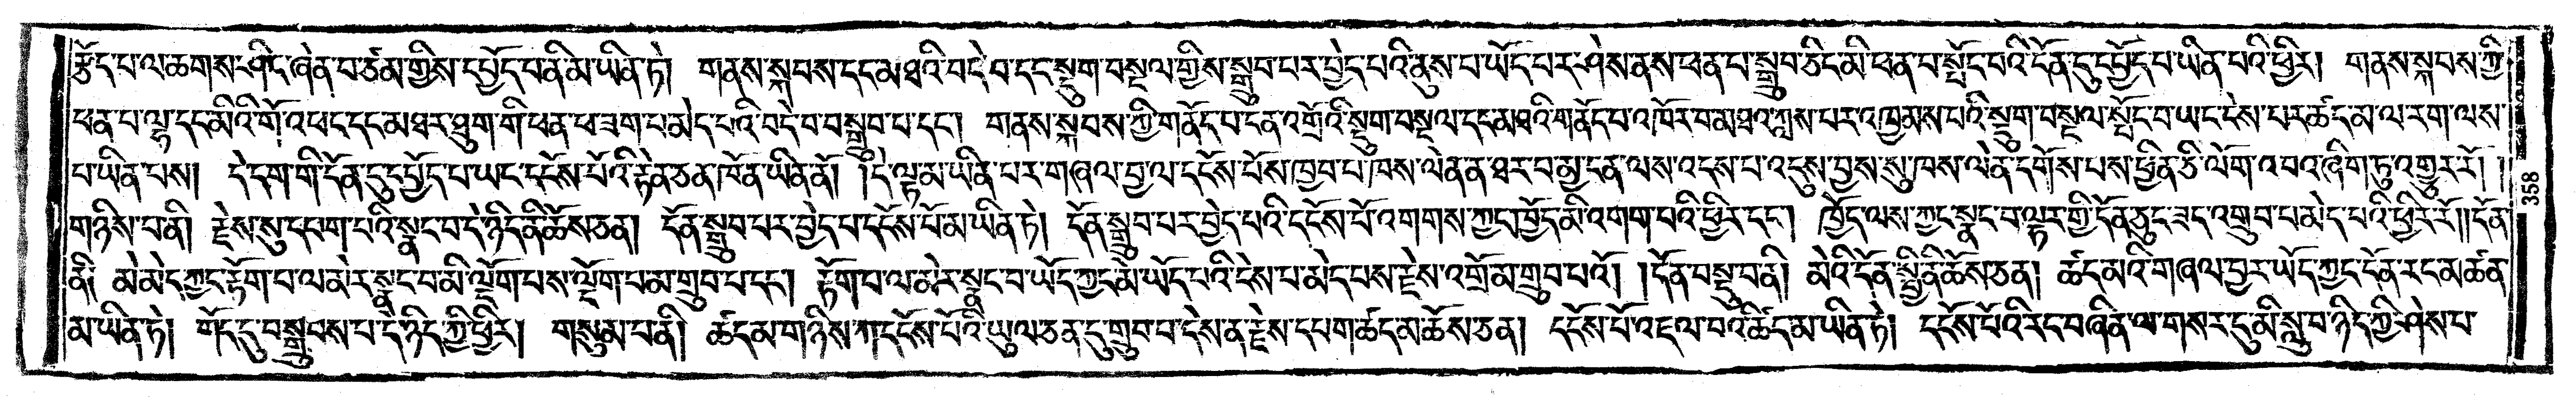རྩོད་པ་ལ་ཆགས་ཤིང་ཞེན་པ་ཙམ་གྱིས་དཔྱོད་པ་ནི་མ་ཡིན་ཏེ། གནས་སྐབས་དང་མཐའི་བདེ་བ་དང་སྡུག་བསྔལ་གྱིས་སྒྲུབ་པར་བྱེད་པའི་ནུས་པ་ཡོད་པར་ཤེས་ནས་ཕན་པ་སྒྲུབ་ཅིང་མི་ཕན་པ་སྤོང་བའི་དོན་དུ་དཔྱོད་པ་ཡིན་པའི་ཕྱིར། གནས་སྐབས་ཀྱི་
ཕན་པ་ལྷ་དང་མིའི་གོ་འཕང་དང་མཐར་ཐུག་གི་ཕན་ཕ་ཟག་པ་མེད་པའི་བདེ་བ་བསྒྲུབ་པ་དང་། གནས་སྐབས་ཀྱི་གནོད་པ་ངན་འགྲོའི་སྡུག་བསྔལ་དང་མཐའི་གནོད་པ་འཁོར་བ་མཐའ་ཀླས་པར་འཁྱམས་པའི་སྡུག་བསྔལ་སྤོང་བ་ཡང་ངེས་པར་ཚད་མ་ལ་རག་ལས་
པ་ཡིན་པས། དེ་དག་གི་དོན་དུ་དཔྱོད་པ་ཡང་དངོས་པོའི་རྟེན་ཅན་ཁོ་ན་ཡིན་ནོ། །དེ་ལྟ་མ་ཡིན་པར་གཞལ་བྱ་ལ་དངོས་པོས་ཁྱབ་པ་ཁས་ལེན་ན་ཐར་པ་མྱ་ངན་ལས་འདས་པ་འདུས་བྱས་སུ་ཁས་ལེན་དགོས་པས་ཕྱིན་ཅི་ལོག་འབའ་ཞིག་ཏུ་འགྱུར་རོ། །
གཉིས་པ་ནི། རྗེས་སུ་དཔག་པའི་སྣང་བ་དེ་ཉིད་ནི་ཆོས་ཅན། དོན་སྒྲུབ་པར་བྱེད་པ་དངོས་པོ་མ་ཡིན་ཏེ། དོན་སྒྲུབ་པར་བྱེད་པའི་དངོས་པོ་འགགས་ཀྱང་ཁྱོད་མི་འགག་པའི་ཕྱིར་དང་། ཁྱོད་ལས་ཀྱང་སྣང་བ་ལྟར་གྱི་དོན་ཅུང་ཟད་འགྲུབ་པ་མེད་པའི་ཕྱིར་རོ། །དོན་
ནི། མེ་མེད་ཀྱང་རྟོག་པ་ལ་མེར་སྣང་བ་མི་ལྡོག་པས་ལྡོག་པ་མ་གྲུབ་པ་དང་། རྟོག་པ་ལ་མེར་སྣང་བ་ཡོད་ཀྱང་མེ་ཡོད་པའི་ངེས་པ་མེད་པས་རྗེས་འགྲོ་མ་གྲུབ་པའོ། །དོན་བསྡུ་བ་ནི། མེའི་དོན་སྤྱི་ནི་ཆོས་ཅན། ཚད་མའི་གཞལ་བྱར་ཡོད་ཀྱང་དོན་རང་མཚན་
མ་ཡིན་ཏེ། གོང་དུ་བསྒྲུབས་པ་དེ་ཉིད་ཀྱི་ཕྱིར། གསུམ་པ་ནི། ཚད་མ་གཉིས་ཀ་དངོས་པོའི་ཡུལ་ཅན་དུ་གྲུབ་པ་དེས་ན་རྗེས་དཔག་ཚད་མ་ཆོས་ཅན། དངོས་པོ་འཇལ་བའི་ཚད་མ་ཡིན་ཏེ། དངོས་པོའི་རང་བཞིན་ལ་གསར་དུ་མི་སླུ་བ་ཉིད་ཀྱི་ཤེས་པ་